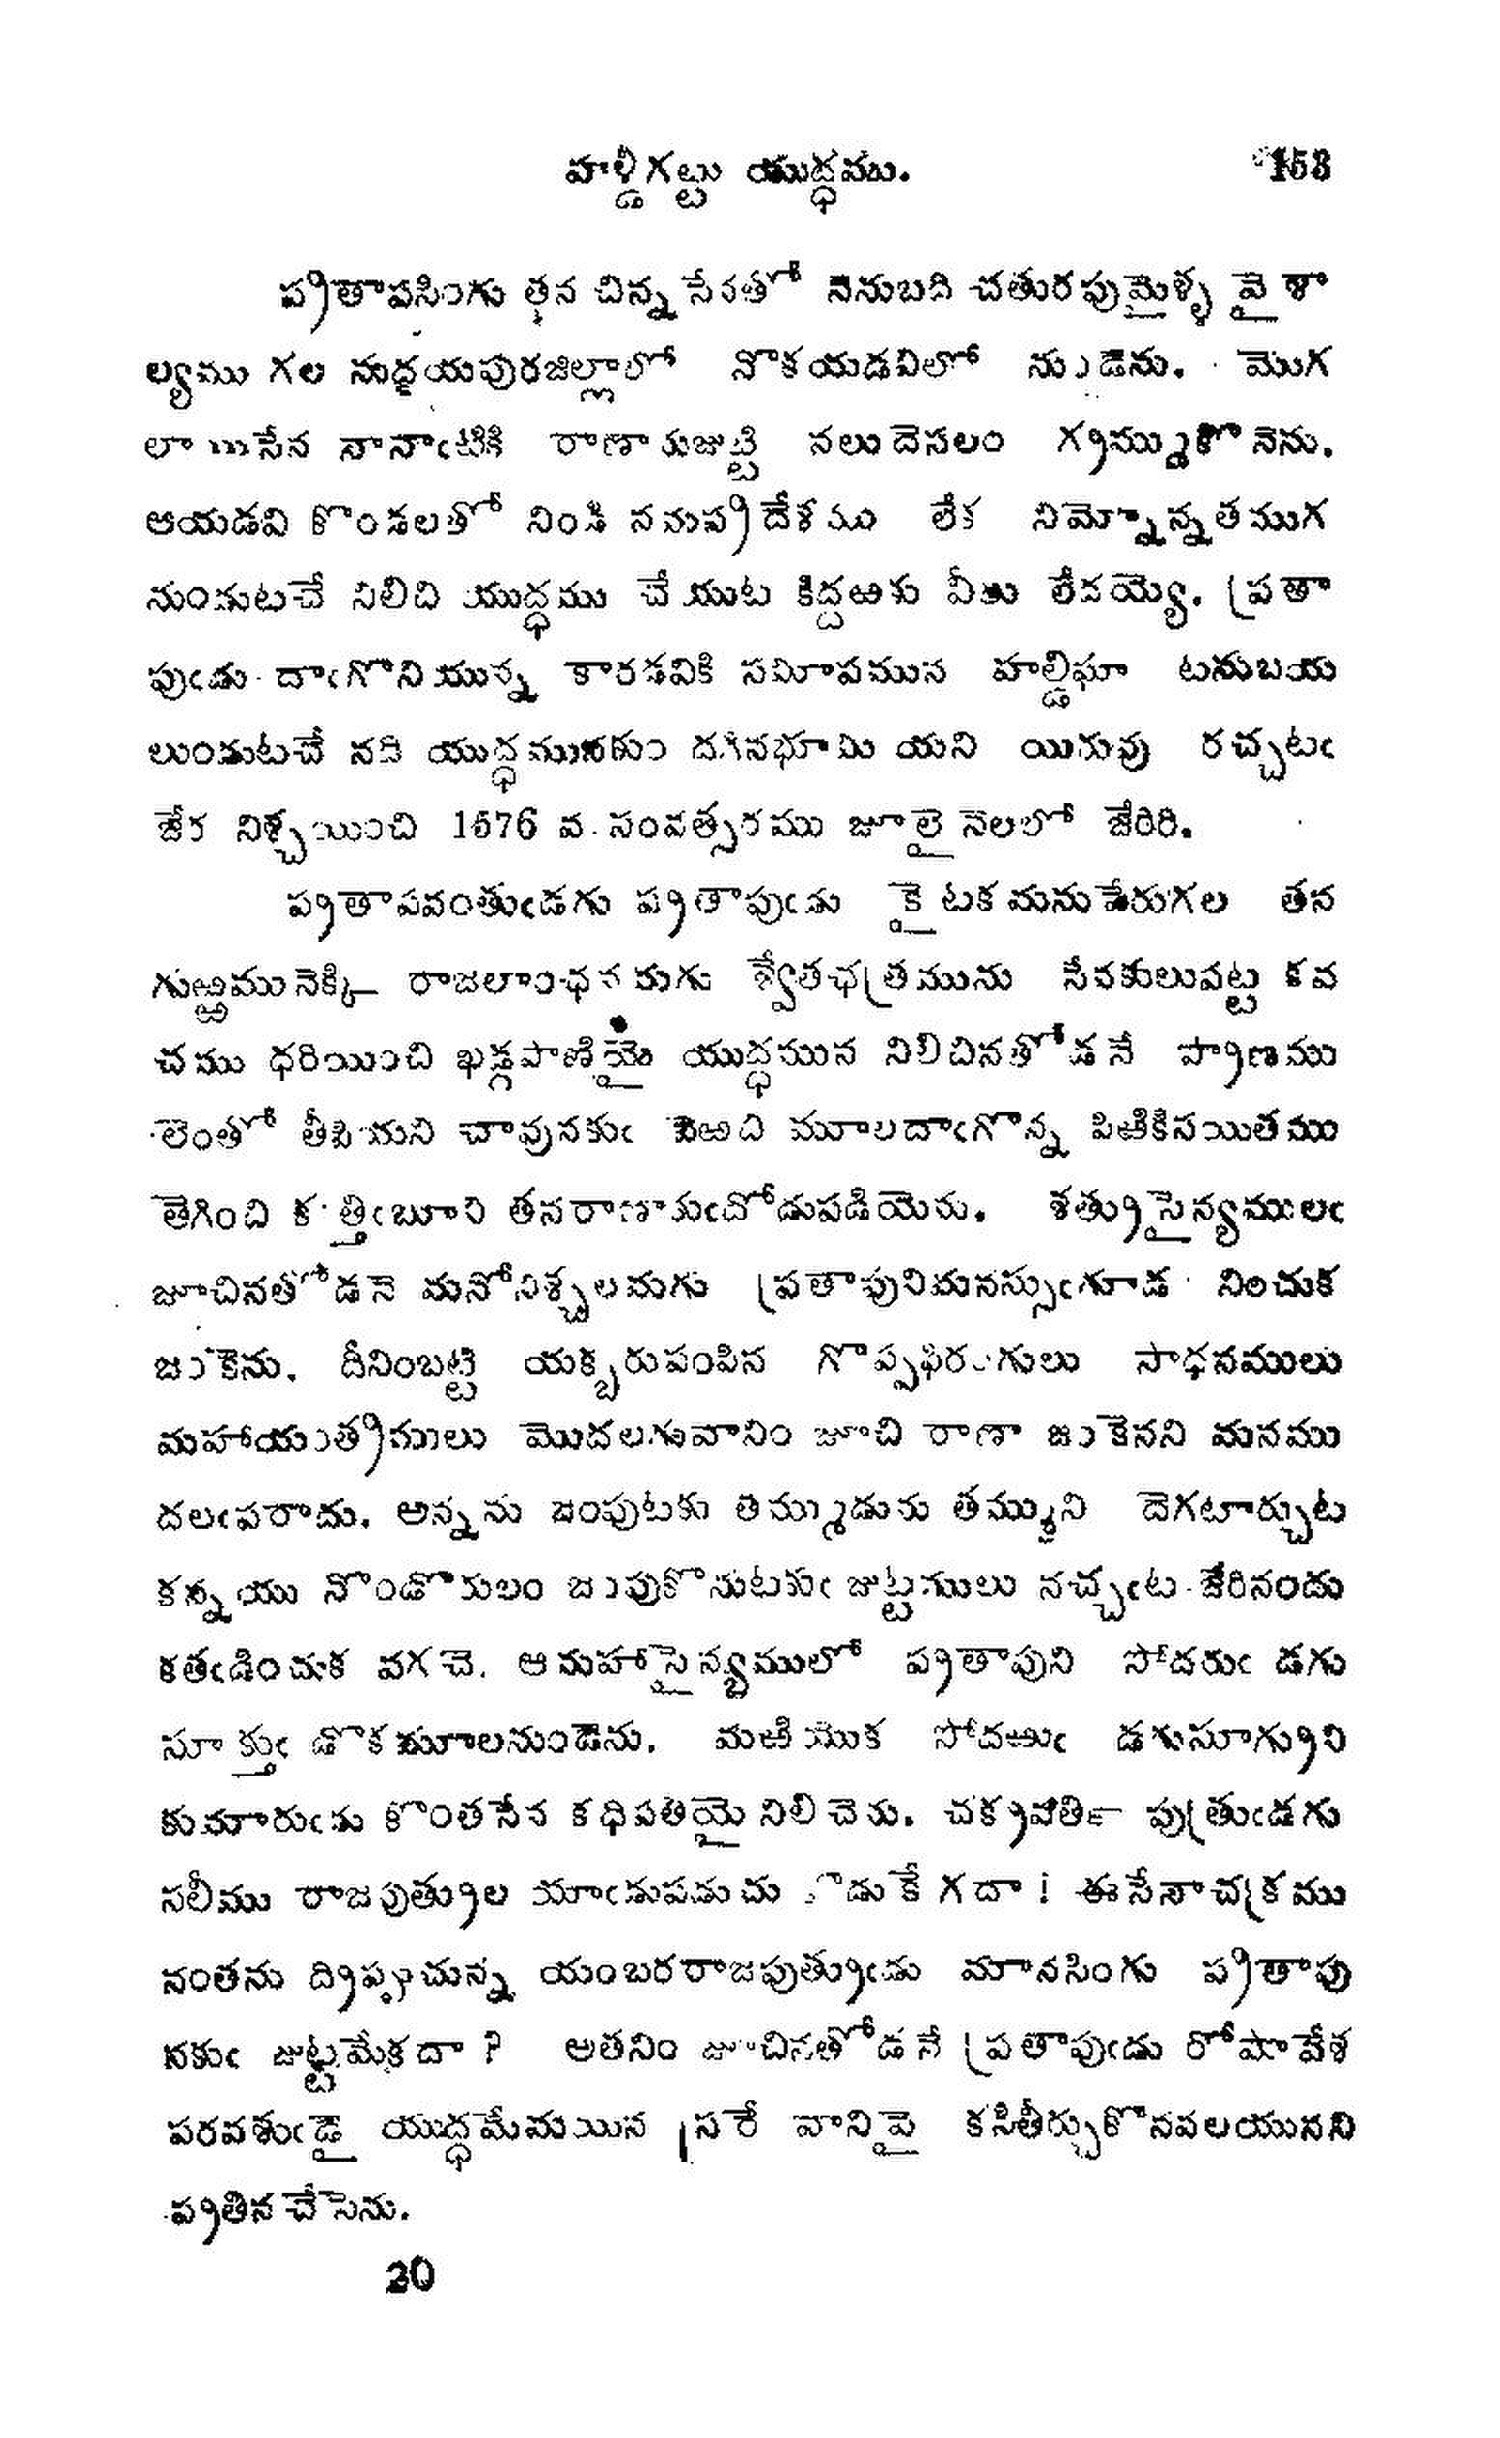ప్రతాపసింగు తన చిన్న సేనతో నెనుబది చతురపు మైళ్ళ వైశాల్యము గల సుద్దయపురజిల్లాలో నొక యడవిలో నుండెను. మోగ
లాయిసేన నానాటికి రాణానుజుట్టి నలుదెసలం గ్రమ్ముకొనెను.ఆయడవి కొండలతో నిండిన సమప్రదేశము లేక నిమ్నోన్నతముగ
నుండుటచే నిలిచి యుద్ధము చేయుట కిద్దఱకు వీలు లేదయ్యె. ప్రతాపుఁడు దాఁగొని యున్న కారడవికి సమీపమున హల్దిఘా టనుబయ
లుండుటచే నది యుద్ధమునకు దగినభూమి యని యిరువు రచ్చటఁ జేర నిశ్చయించి 1576 వ సంవత్సరము జూలై నెలలో జేరిరి.

ప్రతాపవంతుఁడగు ప్రతాపుఁడు కైటక మను పేరుగల తన గుఱ్ఱము నెక్కి రాజలాంఛన మగు శ్వేతఛత్రమును సేవకులుపట్ట కవచము ధరియించి ఖడ్గపాణియై యుద్ధమున నిలిచినతోడనే ప్రాణము లెంతో తీపి యని చావునకుఁ బెఱచి మూలదాఁగొన్న పిఱికి సయితము
తెగించి కత్తిఁ బూని తన రాణాకుఁదోడు పడియెను. శత్రు సైన్యములఁ జూచినతోడనె మనోనిశ్చలమగు ప్రతాపునిచునస్సుఁగూడ నించుక
జంకెను, దీనింబట్టి యక్బరు పంపిన గొప్పఫిరంగులు సాధనములు మహాయంత్రములు మొదలగువానిం జూచి రాణా జంకెనని మనము
దలఁపరాదు. అన్నను జంపుటకు తమ్ముడును తమ్ముని దెగటార్చుట కన్నయు నొండొరులం జంపుకొనుటకుఁ జుట్టములు నచ్చంట. జేరినందు కతఁడించుక వగచె. ఆ మహా సైన్యములో ప్రతాపుని సోదరుఁ డగు సూక్తుఁ డొక మూలనుండెను. మఱి యొక సోదఱుఁ డగుసూగ్రుని కుమారుఁకు కొంత సేన కధిపతియై నిలిచెరు. చక్రవతి౯ పుత్రుఁడగు సలీము రాజపుత్రుల యాఁడుపడుచు కోడుకే గదా ! ఈ సేనాచక్రము
నంతను దిప్పుచున్న యంబర రాజపుత్రుఁడు మానసింగు ప్రతాపునకుఁ జుట్టమేకదా? అతనిం జూచినతోడనే ప్రతాపుఁడు రోషావేశ
పరవశుఁడై యుద్ధమేమయిన సరే కాని వానిపై కసితీర్చుకొనవలయునని ప్రతిన చేసెను.